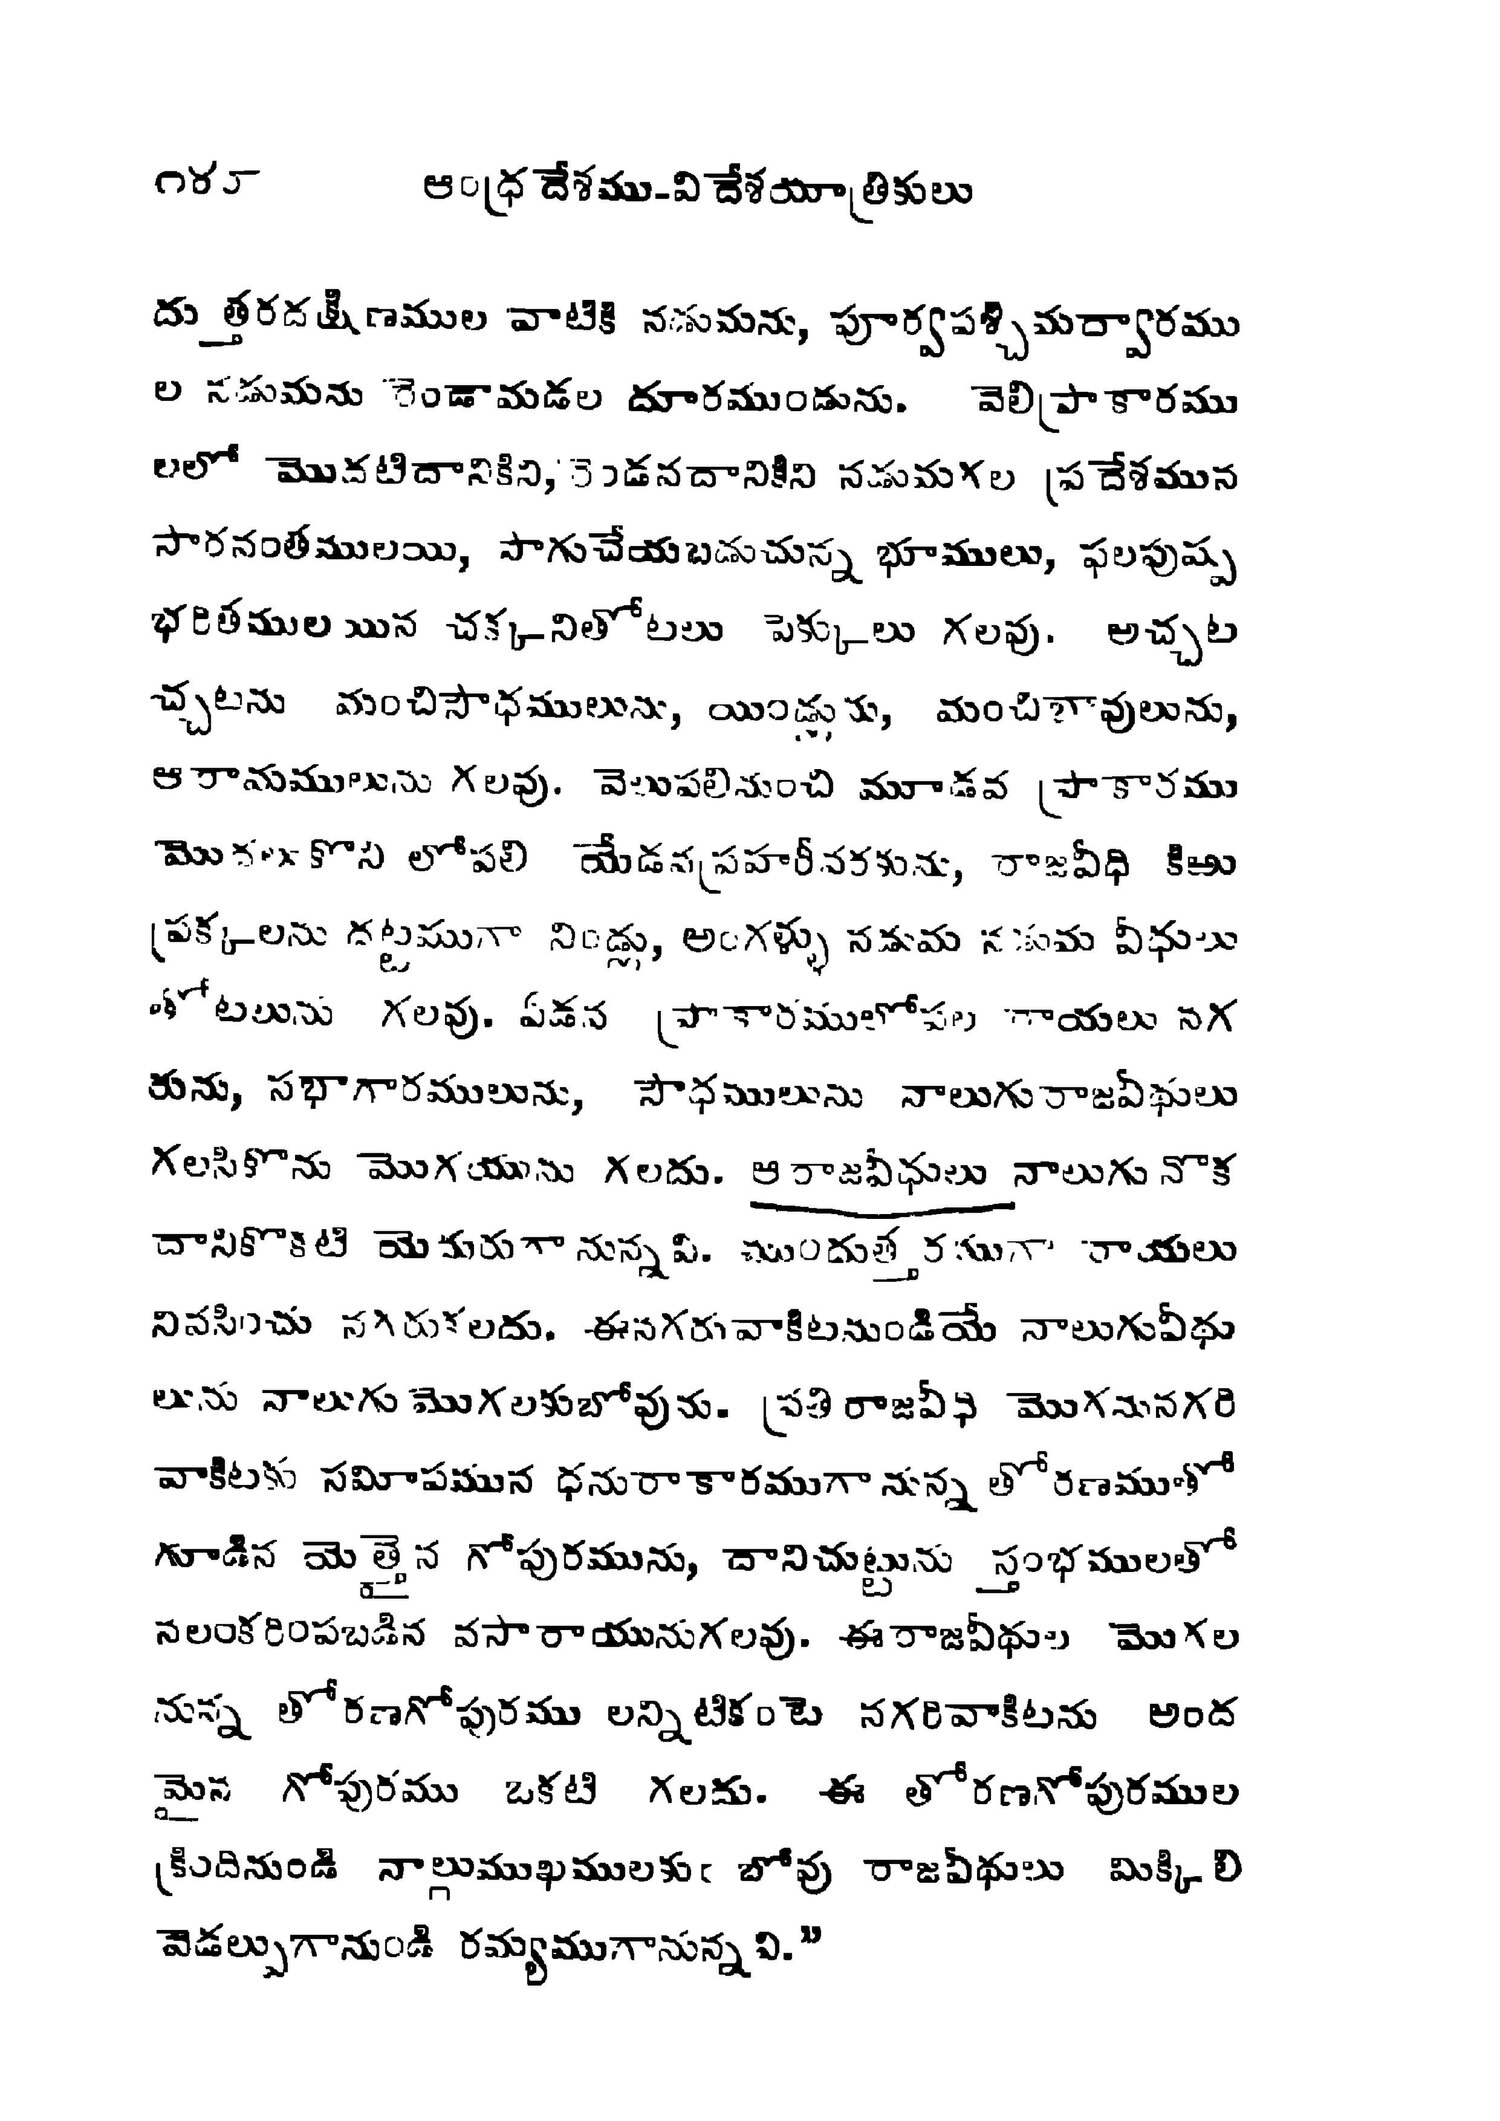దుత్తరదక్షిణముల వాటికి నడుమను, పూర్వపశ్చిమద్వారముల నడుమను రెండామడల దూరముండును. వెలిప్రాకారములలో మొదటిదానికిని, రెండవదానికిని నడుమగల ప్రదేశమున సారవంతములయి, సాగుచేయబడుచున్న భూములు, ఫలపుష్ప భరతములయిన చక్కనితోటలు పెక్కులు గలవు. అచ్చటచ్చటను మంచి సౌధములును, యిండ్లును, మంచిబావులును, ఆరామములును గలవు. వెలుపలినుంచి మూడవ ప్రాకారము మొదలుకొని లోపలి యేడవ ప్రహరీవరకును, రాజవీధి కిఱు ప్రక్కలను దట్టముగా నిండ్లు, అంగళ్ళు నడుమ నడుమ వీధులు తోటలును గలవు. ఏడవ ప్రాకారములోపల రాయలు నగరును, సభాగారములును, సౌధములును నాలుగు రాజవీథులు గలసికొను మొగయును గలదు. ఆరాజవీధులు నాలుగు నొకదానికొకటి యెదురుగా నున్నవి. ముందుత్తరముగా రాయలు నివసించు నగరుకలదు. ఈనగరు వాకిటనుండియే నాలుగు వీథులును నాలుగు మొగలకు బోవును. ప్రతిరాజవీధి మొగను నగరి వాకిటకు సమీపమున ధనురాకారముగానున్న తోరణముతో గూడిన యెత్తైన గోపురమును, దానిచుట్టును స్తంభములతో నలంకరింపబడిన వసారాయును గలవు. ఈరాజవీథుల మొగలనున్న తోరణగోపురము లన్నిటికంటె నగరి వాకిటను అందమైన గోపురము ఒకటి గలదు. ఈ తోరణగోపురముల క్రిందినుండి నాల్గుముఖములకు బోవు రాజవీథులు మిక్కిలి వెడల్పుగానుండి రమ్యముగానున్నవి."